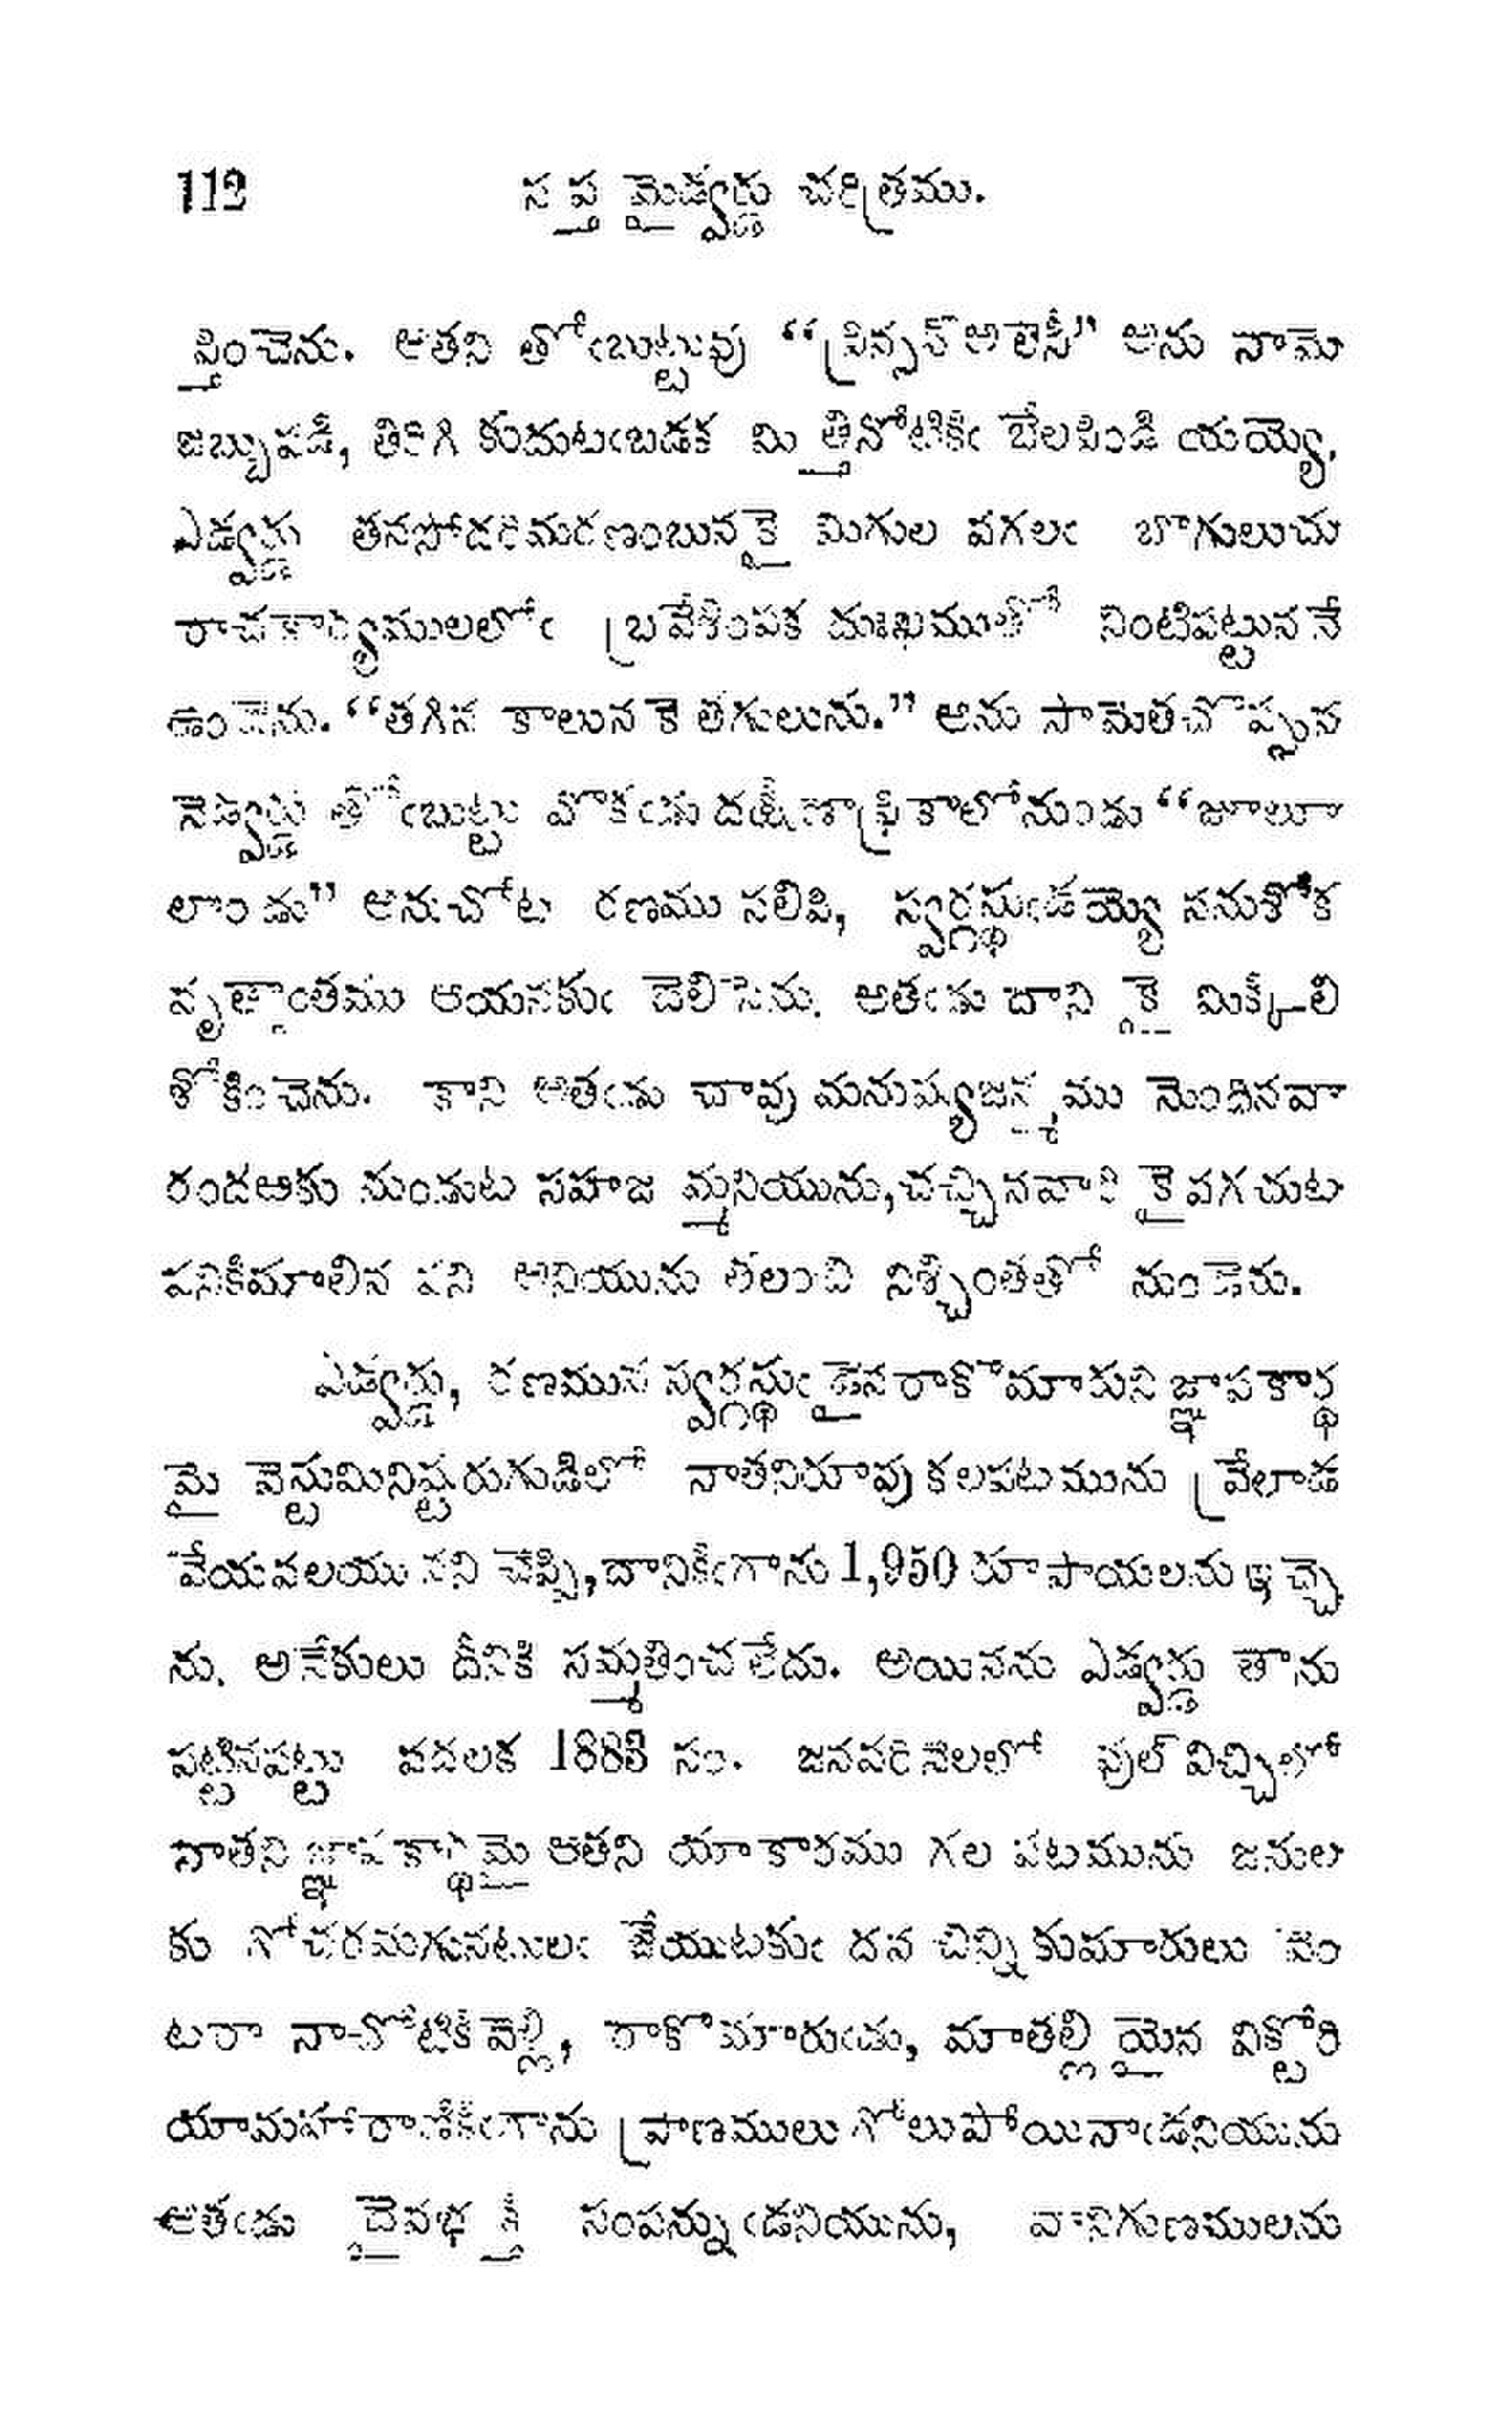ప్తించెను. అతని తోబుట్టువు " ప్రిన్సస్ అలెసీ" అను నామె జబ్బుపడి, తిరిగి కుదుటఁబడక మిత్తినోటికిఁ బేలపిండి యయ్యె, ఎడ్వర్డు తనసోదరి మరణంబునకై మిగుల పగల బొగులుచు రాచకార్యములలోఁ బ్రవేశింపక దుఃఖముతో నింటిపట్టున నే ఉండెను. “తగిన కాలునకె తగులును. " అను సామెత చొప్పున నెడ్వర్డు తోబుట్టు వొకఁడు దశాఫ్రికాలోనుండు జూలూ లాండు" అనుచోట రణము సలిపి, స్వర్గస్టు డయ్యె సనుశోక వృత్తాంతము ఆయనకుఁ దెలి సెను. అతను దాని కై మిక్కిలి శోకించెను. కాని తను చావు మనుష్యజనము మొందినవా రందరకు నుండుట సహజ మనియును,చచ్చినవాని కై పగచుట పనికిమాలిన పని అనియును తలుచి నిశ్చింతతో నుండెను.

ఎడ్వర్లు, రణమున స్వర్గస్థుఁ డైన రాకోమారుని జ్ఞాపకార్థ మై నెస్టుమినిష్టురు గుడిలో నాతనిరూపు కలపటమును వ్రేలాడ "వేయవలయు నని చెప్పి, దానికి గాను 1,950 రూపాయలను , ఇచ్చె ను, అనేకులు దీనికి సమ్మతించలేదు. అయినను ఎడ్వర్లు తాను పట్టిన పట్టు వదలక 1883 సం. జనవరి నెలలో ఫుల్ విచ్చిలో నాతని గాపకార్థమై అతని యాకారము గల పటమును జనులు కు గోచరమగునటుల: జేయుటకుఁ దన చిన్న కుమారులు "వెం టరా నా చోటికి వెళ్లి , రాకోమారుఁడు, మాతల్లి యైన విక్టోరి యా మహారాణిగాను ప్రాణములు గోలుపోయినాడనియును అతఁడు దైవభక్తి సంపన్ను డనియును, వానిగుణములను